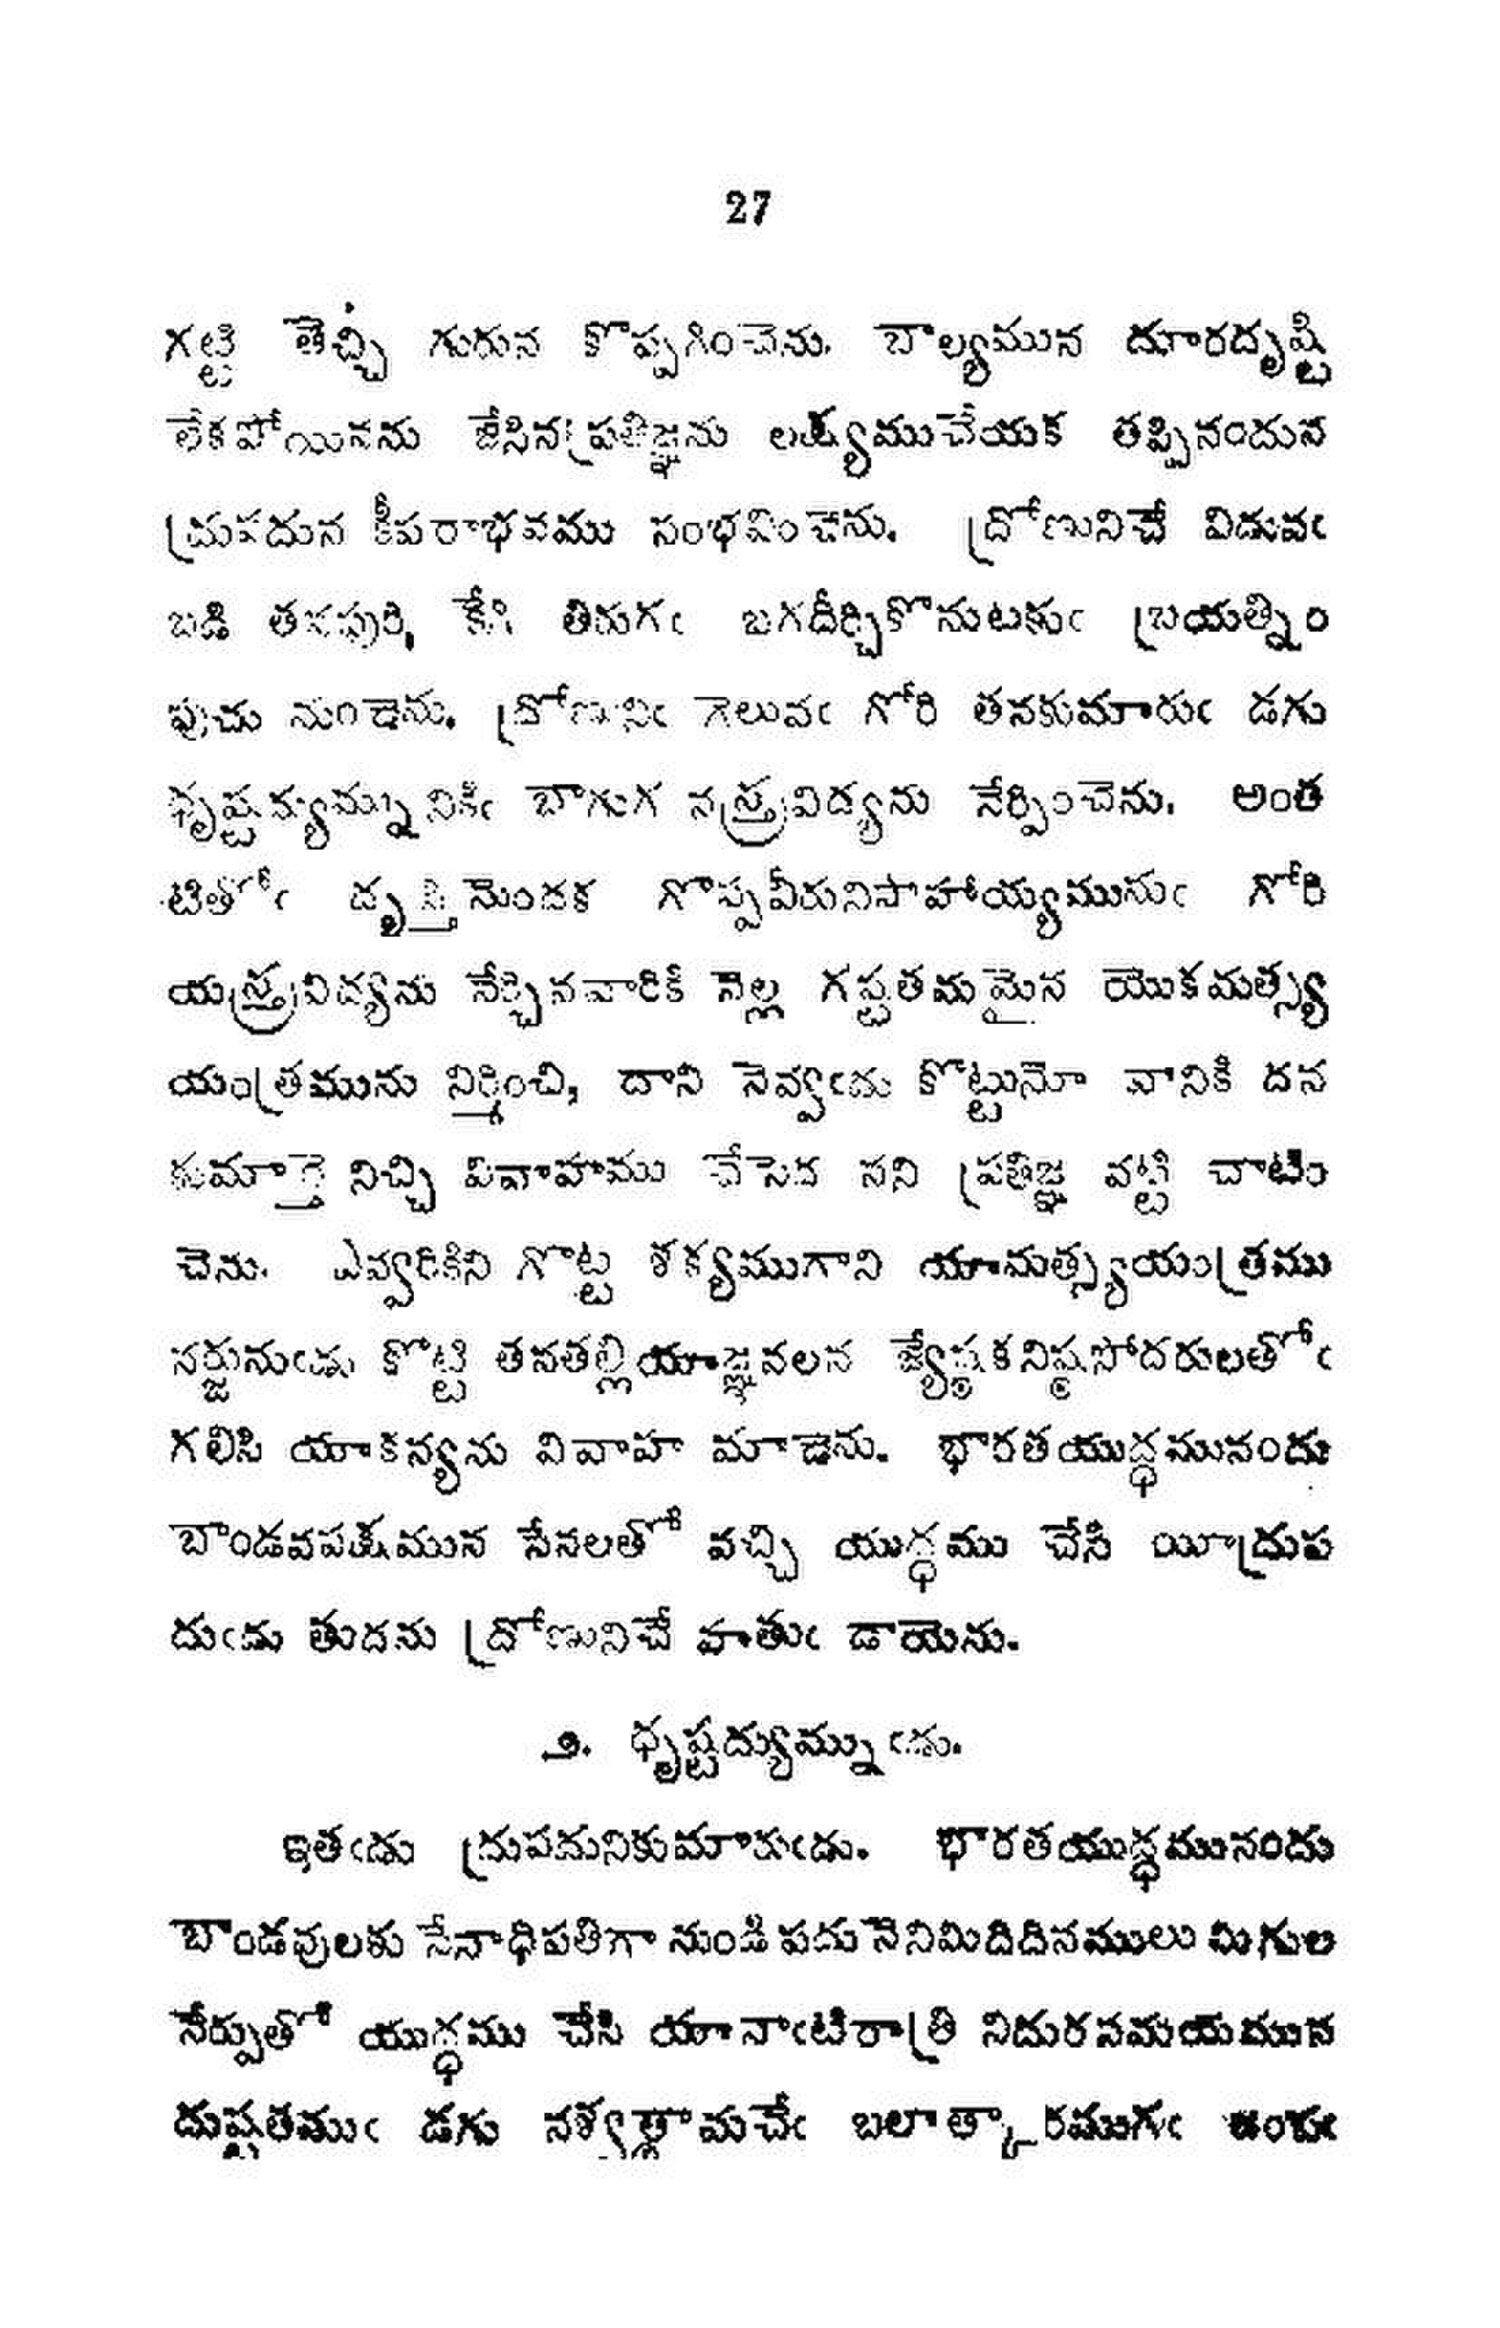గట్టి తెచ్చి గురున కొప్పగించెను. బాల్యమున దూరదృష్టి లేకపోయినను జేసినప్రతిజ్ఞను లక్ష్యము చేయక తప్పినందున ద్రుపదున కీపరాభవము సంభవించెను. ద్రోణునిచే విడువఁబడి తనపురి, కేగి తిరుగఁ బగదీర్చికొనుటకుఁ బ్రయత్నింపుచు నుండెను. ద్రోణునిఁ గెలువఁ గోరి తనకుమారుఁ డగు
ధృష్టద్యుమ్నునికిఁ బాగుగ నస్త్రవిద్యను నేర్పించెను. అంతటితోఁ దృప్తినొందక గొప్పవీరుని సాహాయ్యమునుఁ గోరి యస్త్రవిద్యను నేర్చినవారికి నెల్ల గష్టతమమైన యొకమత్స్య యంత్రమును నిర్మించి, దాని నెవ్వఁడు కొట్టునో వానికి దనకుమార్తె నిచ్చి వివాహము చేసెద నని ప్రతిజ్ఞ పట్టి చాటించెను. ఎవ్వరికిని గొట్ట శక్యముగాని యామత్స్యయంత్రము నర్జునుఁడు కొట్టి తనతల్లియాజ్ఞవలన జ్యేష్ఠకనిష్ఠసోదరులతోఁ గలిసి యాకన్యను వివాహ మాడెను. భారతయుద్ధమునందు బాండవ పక్షమున సేనలతో వచ్చి యుద్ధము చేసి యీద్రుపదుఁడు తుదను ద్రోణునిచే హతుఁ డాయెను.

ఇతఁడు ద్రుపదునికుమారుఁడు. భారతయుద్ధమునందు బాండవులకు సేనాధిపతిగా నుండి పదునెనిమిదిదినములు మిగుల నేర్పుతో యుద్ధము చేసి యానాఁటిరాత్రి నిదురసమయమున
దుష్టతముఁ డగు నశ్వత్థామచేఁ బలాత్కారముగఁ జంపఁ